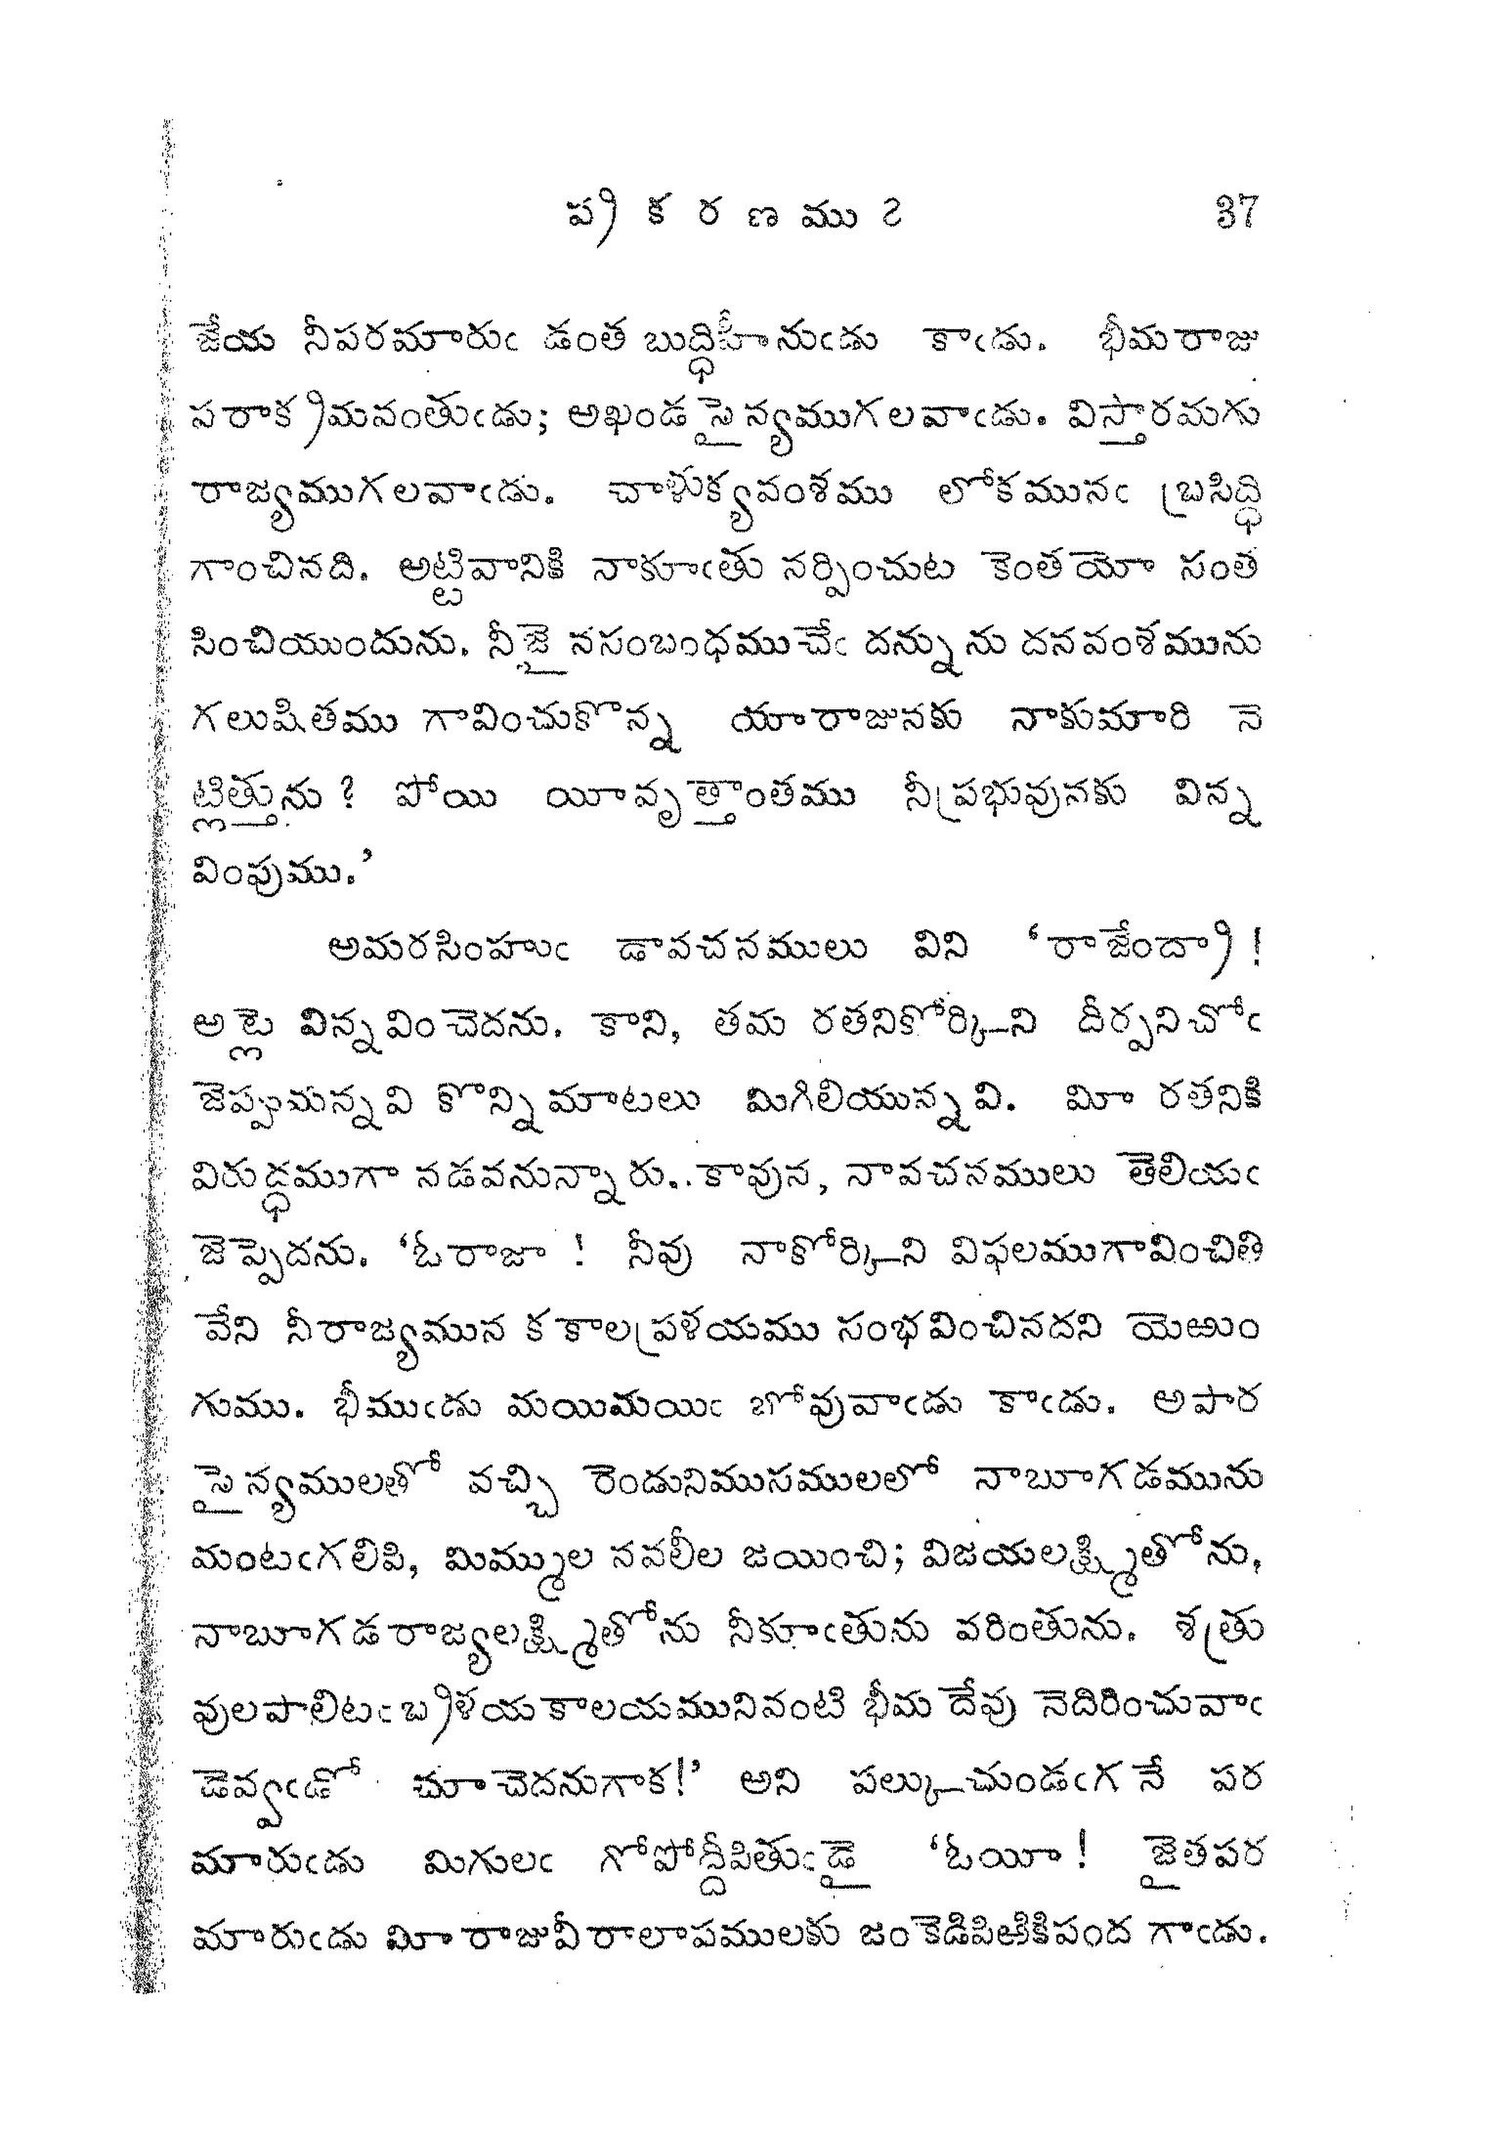జేయ నీపరమారుఁ డంత బుద్ధిహీనుఁనుఁడు కాఁడు. భీమరాజు పరాక్రమవంతుఁడు; అఖండ సైన్యముగలవాఁడు. విస్తారమగు రాజ్యముగలవాఁడు. చాళుక్యవంశము లోకమునఁ బ్రసిద్ధి గాంచినది. అట్టివానికి నాకూఁతు నర్పించుట కెంతయో సంత సించి యుందును. నీ జై నసంబంధము చేఁ దన్నును దనవంశమును గలుషితము గావించుకొన్న యారాజునకు నాకుమారి నే ట్లిత్తును ? పోయి యీవృత్తాంతము నీ ప్రభువునకు విన్న వింపుము.”

అమరసింహుఁ డావచనములు విని ‘రాజేంద్రా ! అథ్లె విన్నవించెదను. కాని, తమ రతనికోర్కిని దీర్పని చోఁ జెప్పుమన్నవి కొన్ని మాటలు మిగిలియున్నవి. మీ రతనికి విరుద్ధముగా నడవనున్నారు.. కావున, నావచనములు తెలియఁ జెస్పెదను. 'ఓరాజా ! నీవు నాకోర్కిని విఫలముగావించితి వేని నీ రాజ్యమున కకాలప్రళయము సంభవించిన దని యెఱుం గుము. భీముఁడు మయిమయిఁ బోవువాఁడు కాఁడు. అపార సైన్యములతో వచ్చి రెండునిముసములలో నాబూగడమును మంటఁగలిపి, మిమ్ముల నవలీల జయించి; విజయలక్ష్మితోను, నాబూగడ రాజ్యలక్ష్మితోను నీకూతును వరింతును. శత్రు వులపాలిట ప్రళయకాలయమునివంటి భీమ దేవు నెదిరించువాఁ డెవ్వఁడో చూచెదనుగాక!' అని పల్కుచుండఁగనే పర మారుడు మిగుల గోపోద్దీపితుడై 'ఓయీ! జైతపర మారుఁడు మీ రాజువీరాలాపములకు జంకెడి పిఱికిపంద గాఁడు.